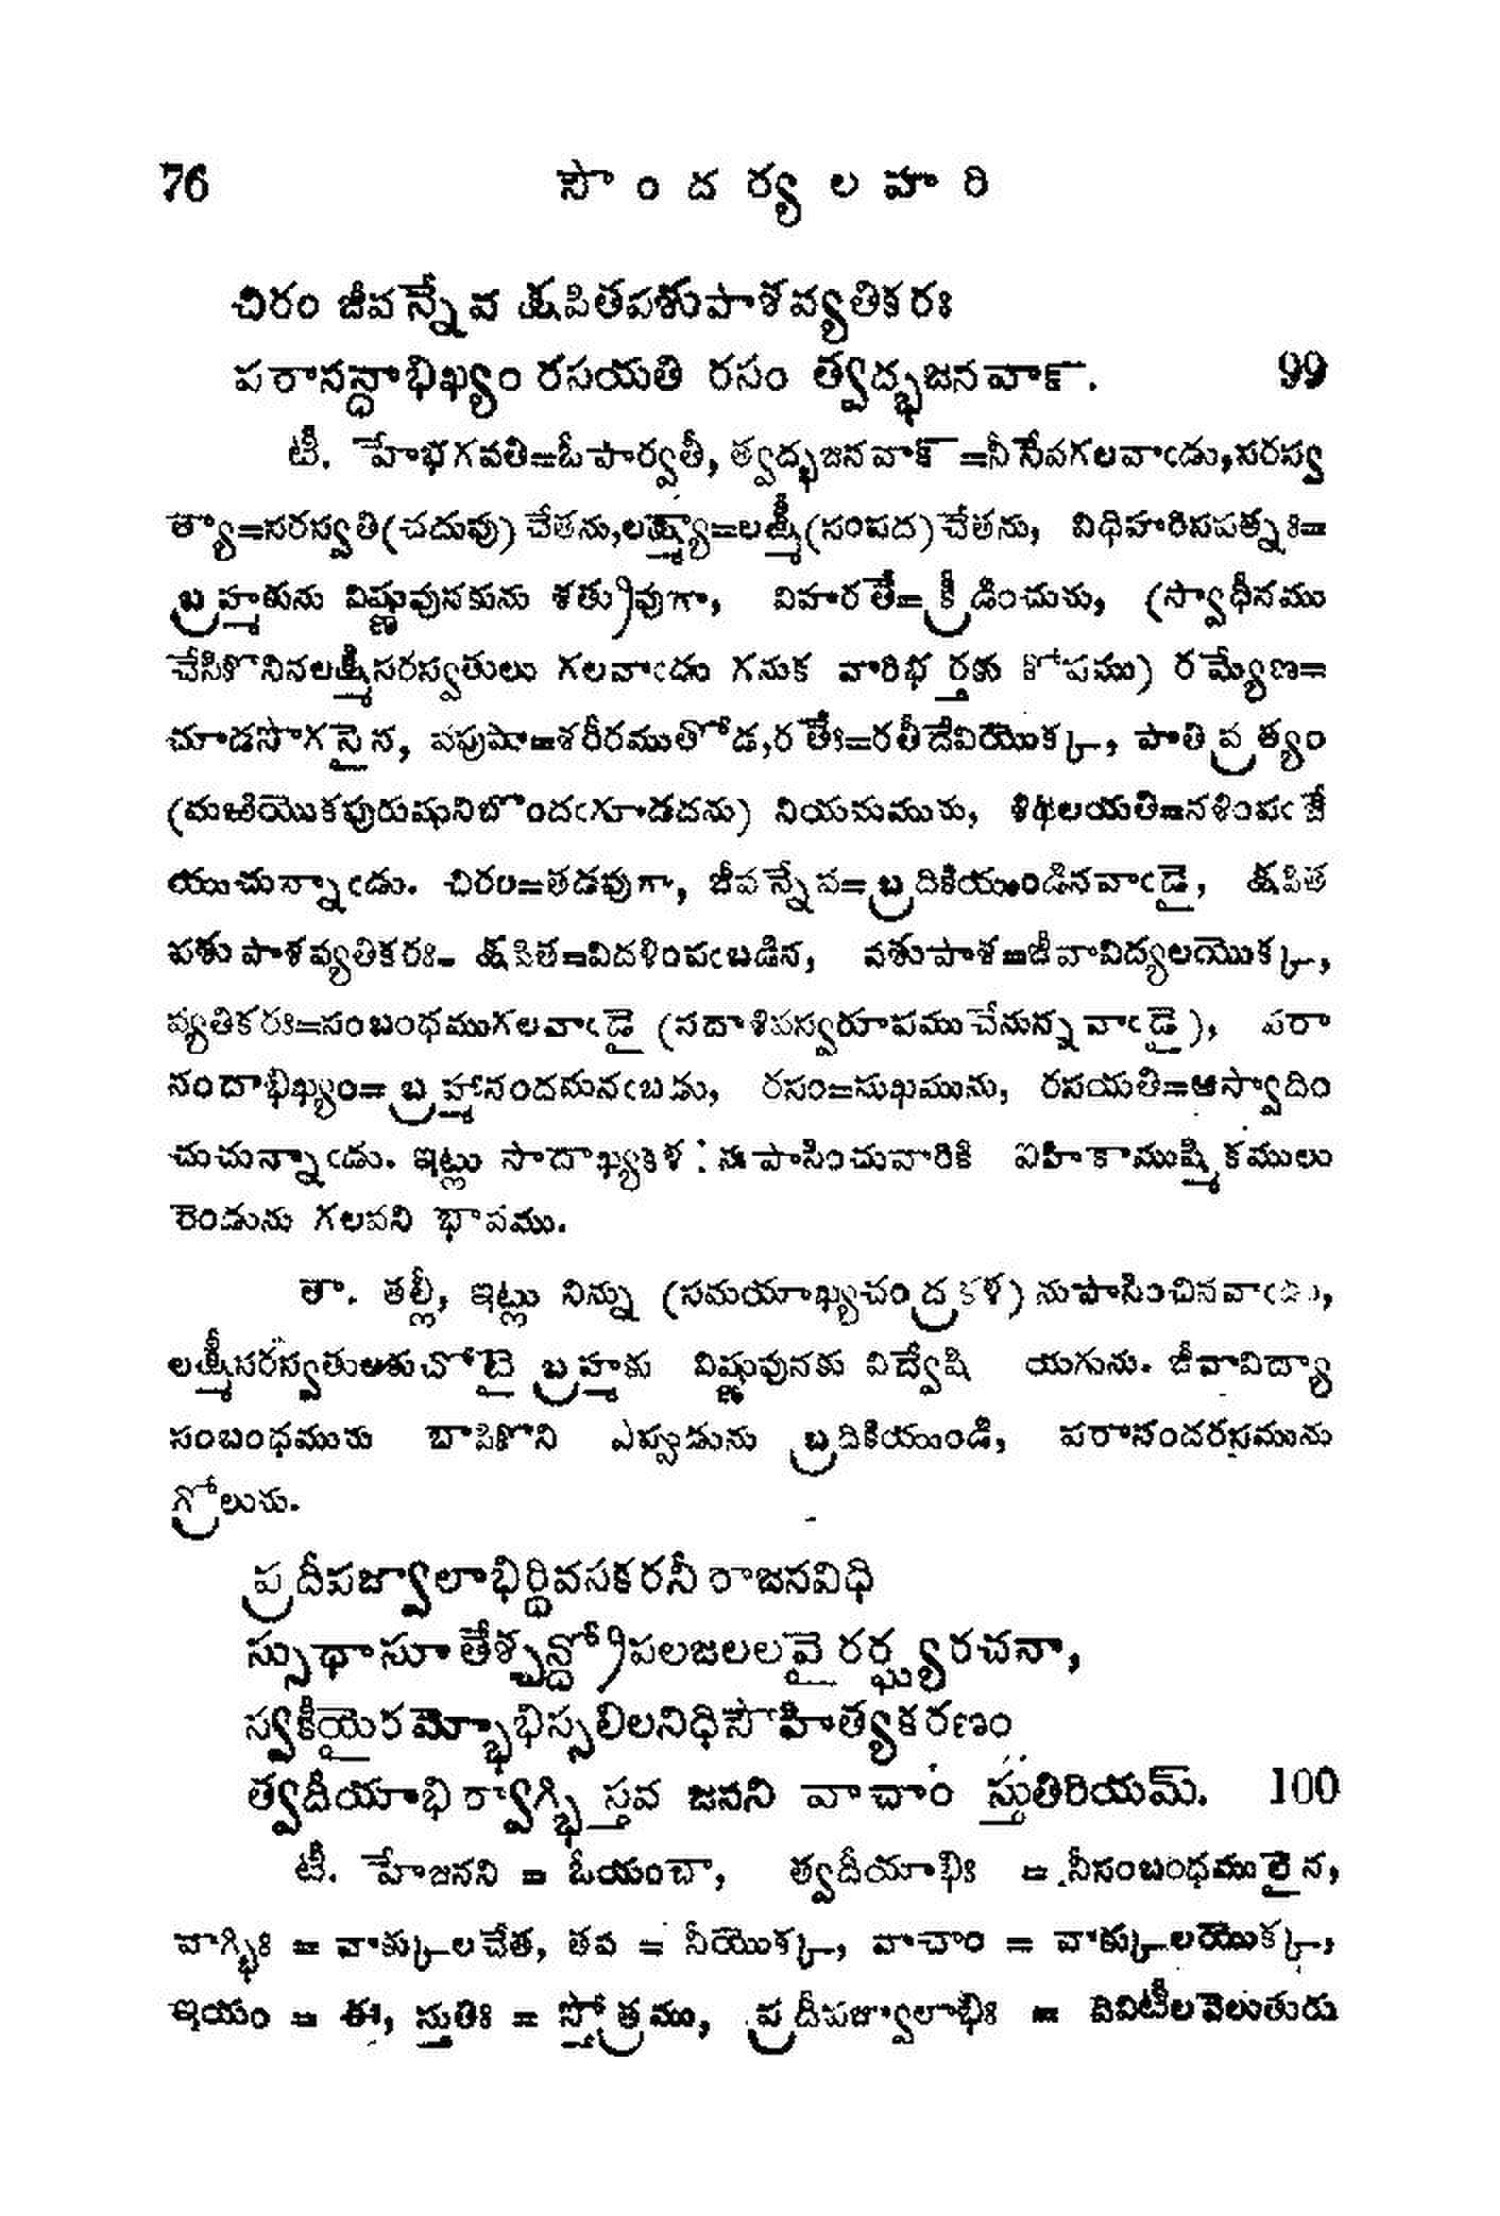చిరం జీవన్నేవ క్షపితపశుపాశవ్యతికరః
పరానన్దాభిఖ్యం రసయతి రసం త్వద్భజనవాన్. 99
టీ. హేభగవతి = ఓపార్వతీ, త్వద్భజనవాన్ = నీసేవగలవాఁడు, సరస్వత్యా = సరస్వతి(చదువు)చేతను, లక్ష్మ్యా = లక్ష్మీ(సంపద)చేతను, విధిహరిసపత్నః = బ్రహ్మకును విష్ణువునకును శత్రువుగా, విహరతే = క్రీడించును, (స్వాధీనము చేసికొనినలక్ష్మీ సరస్వతులు గలవాఁడు గనుక వారిభర్తకు కోపము) రమ్యేణ = చూడసొగసైన, వపుషా = శరీరముతోడ, రతేః = రతీదేవియొక్క, పాతివ్రత్యం = (మఱియొకపురుషునిబొందఁ గూడదను) నియమమును, శిథిలయతి = నశింపఁజేయుచున్నాఁడు. చిరం = తడవుగా, జీవన్నేవ = బ్రదికియుండినవాఁడై, క్షపితపశుపాశవ్యతికరః-క్షపిత = విదళింపఁబడిన, పశుపాశ = జీవావిద్యలయొక్క, వ్యతికరః = సంబంధముగలవాఁడై (సదాశివస్వరూపముచేనున్నవాఁడై), పరానందాభిఖ్యం = బ్రహ్మానందమనఁబడు, రసం = సుఖమును, రసయతి = ఆస్వాదించుచున్నాఁడు. ఇట్లు సాదాఖ్యకళ నుపాసించువారికి ఐహికాముష్మికములు రెండును గలవని భావము.

తా. తల్లీ, ఇట్లు నిన్ను (సమయాఖ్యచంద్రకళ) నుపాసించినవాఁడు, లక్ష్మీసరస్వతులకు చోటై బ్రహ్మకు విష్ణువునకు విద్వేషి యగును. జీవావిద్యాసంబంధమును బాపికొని ఎప్పుడును బ్రదికియుండి, పరానందరసమును గ్రోలును.

ప్రదీపజ్వాలాభిర్థివసకరనీరాజనవిధి
స్సుధాసూతేశ్చన్ద్రోపలజలలవైరర్ఘ్యరచనా,
స్వకీయైరమ్భోభిస్సలిలనిధిసౌహిత్యకరణం
త్వదీయాభిర్వాగ్భిస్తవ జనని వాచాం స్తుతిరియమ్. 100
టీ. హేజనని = ఓయంబా, త్వదీయాభిః = నీసంబంధములైన, వాగ్భిః = వాక్కులచేత, తవ = నీయొక్క, వాచాం = వాక్కులయొక్క, ఇయం = ఈ, స్తుతిః = స్తోత్రము, ప్రదీపజ్వాలాభిః = దివిటీలవెలుతురు